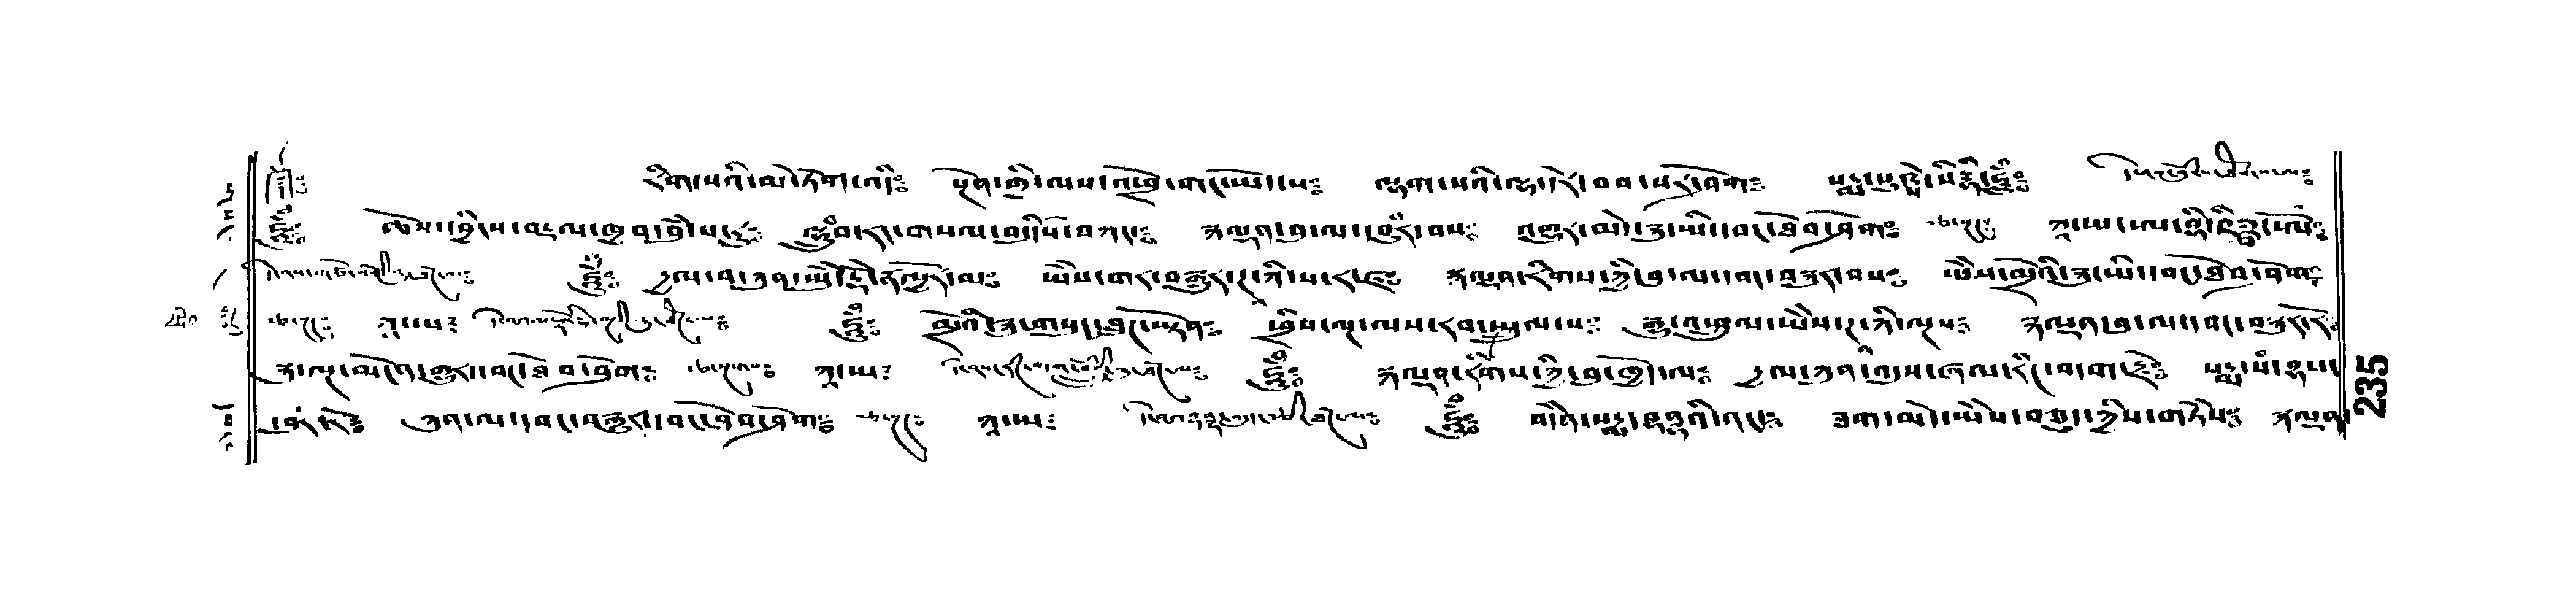རིག་པའི་མེ་ཏོག་འདི༔ སྔོན་གྱི་ལས་འཕྲོ་གང་ཡོད་པ༔ ལྷག་པའི་ལྷ་དེར་འབབ་པར་ཤོག༔ པདྨ་པུཥྤེ་སིདྡྷི་ཧཱུྃ༔ དེ་ནས་བུམ་པ་ཐོགས་ལ༔ 
ཧཱུྃ༔ ཆོས་དབྱིངས་བརྡལ་ཁྱབ་བུམ་པ་རུ༔ ལྷུན་གྲུབ་རང་གསལ་བདུད་རྩིས་བཀང༔ སྐལ་ལྡན་བུ་ལ་དབང་བསྐུར་བས༔ འགྱུར་མེད་སྐུ་ཡི་དབང་ཐོབ་ཤོག༔ རྩ་སྔགས༔ ཀཱ་ཡ་ཨ་བྷི་རིཉྩ་ཨོཾ༔ 
དེ་ནས་གཙོ་མོའི་སྐུ་ཐོགས་ལ༔ ཧཱུྃ༔ རྒྱལ་བ་ཀུན་ཡུམ་རྡོ་རྗེ་རྣལ་འབྱོར་མ༔ཡེ་ཤེས་གར་བསྒྱུར་ཌཱ་ཀི་ས་ར་ཛཿ སྐལ་ལྡན་རིགས་ཀྱི་བུ་ལ་དབང་བསྐུར་བས༔ ཡེ་ཤེས་མཁའ་འགྲོའི་སྐུ་ཡི་དབང་ཐོབ་ཤོག༔ 
རྩ་སྔགས༔ ཀཱ་ཡ༴ དེ་ནས་མཁའ་འགྲོ་སྡེ་ལྔའི་སྐུ་ཐོགས་ལ༔ ཧཱུྃ༔ མཁའ་འགྲོའི་སྐུ་གསུང་ཐུགས་ཡོན་ཏན༔ ཕྲིན་ལས་ལྔ་ལས་རབ་སྤྲུལ་པ༔ སྒྱུ་འཕྲུལ་ཡེ་ཤེས་ཌཱ་ཀི་ལྔས༔ སྐལ་ལྡན་བུ་ལ་དབང་བསྐུར་རོ༔ 
སྐུ་ལྔ་མངོན་གྱུར་དབང་ཐོབ་ཤོག༔ རྩ་སྔགས༔ ཀཱ་ཡ༴ དེ་ནས་རིགས་བདག་བླ་མའི་སྐུ་ཐོགས་ལ༔ ཧཱུྃ༔ སྐལ་ལྡན་རིགས་ཀྱི་བུ་ཁྱོད་ལ༔ རྒྱལ་ཀུན་འདུས་ཞལ་རིགས་བདག་རྗེ༔ པདྨ་སཾ་བྷས་
དབང་བསྐུར་རོ༔ ཀུན་ལ་དབང་བསྒྱུར་དབང་ཐོབ་ཤོག༔ རྩ་སྔགས༔ ཀཱ་ཡ༴ དེ་ནས་བྷནྡྷ་བདུད་རྩི་ཐོགས་ལ༔ ཧཱུྃ༔ བདེ་ཆེན་པདྨ་བྷནྡྷའི་ནང༔ ཟག་མེད་ཡེ་ཤེས་བཅུད་ཀྱིས་གཏམས༔ སྐལ་ལྡན་